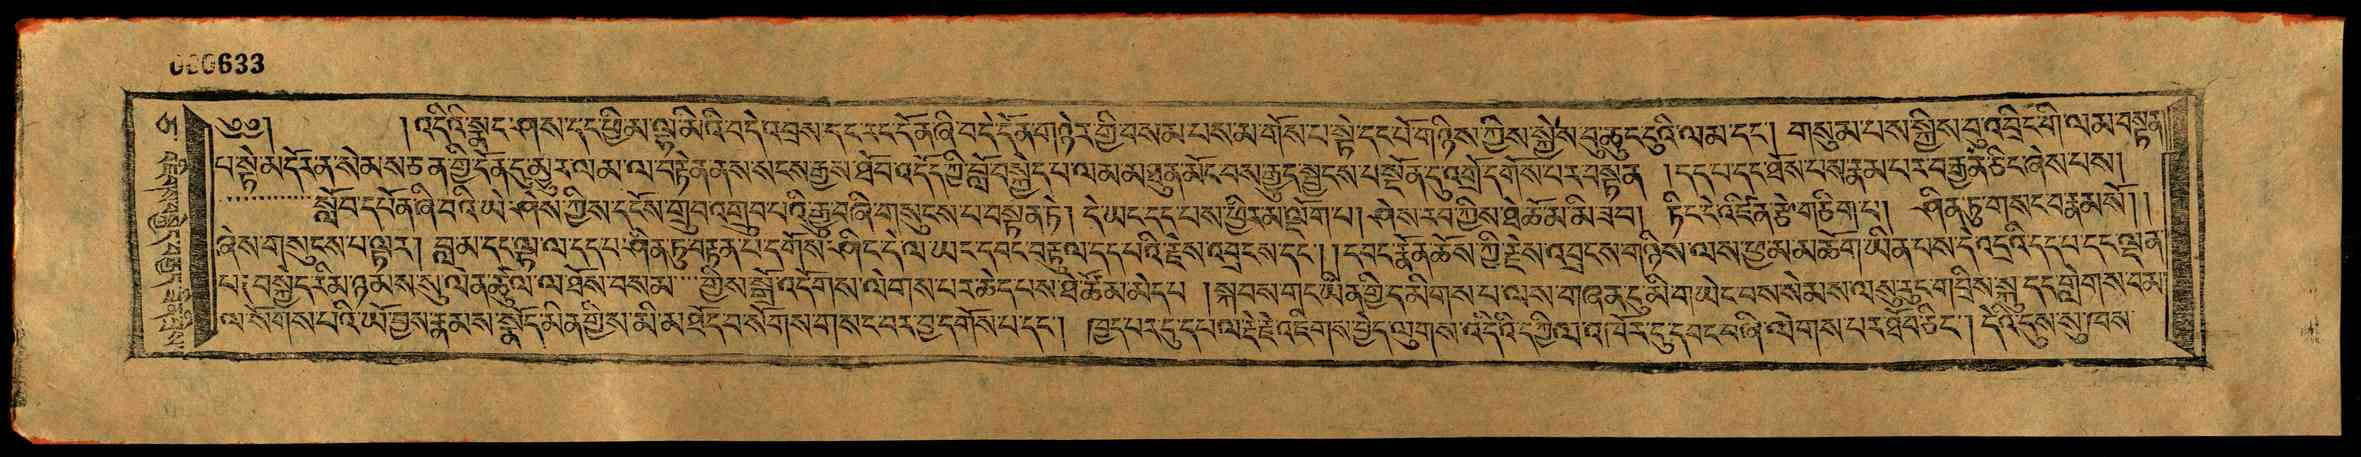༄༅། །འདིའི་སྣང་ཤས་དང་ཕྱི་མ་ལྷ་མིའི་བདེ་འབྲས་དང་རང་དོན་ཞི་བདེ་དོན་གཉེར་གྱི་བསམ་པས་མ་གོས་པ་སྟེ་དང་པོ་གཉིས་ཀྱིས་སྐྱེས་བུ་ཆུང་ངུའི་ལམ་དང་། གསུམ་པས་སྐྱེས་བུ་འབྲིང་གི་ལམ་བསྟན་
པ་སྟེ་མདོར་ན་སེམས་ཅན་གྱི་དོན་དུ་མྱུར་ལམ་ལ་བརྟེན་ནས་སངས་རྒྱས་ཐོབ་འདོད་ཀྱི་བློ་བསྐྱེད་པ་ལམ་མཐུན་མོང་བས་རྒྱུད་སྦྱངས་པ་སྔོན་དུ་འགྲོ་དགོས་པར་བསྟན། དད་པ་དང་ཐོས་པས་རྣམ་པར་བརྒྱན་ཅིང་ཞེས་པས།
སློབ་དཔོན་ཞི་བའི་ཡེ་ཤེས་ཀྱིས་དངོས་གྲུབ་འགྲུབ་པའི་རྒྱུ་བཞི་གསུངས་པ་བསྟན་ཏེ། དེ་ཡང་དད་པས་ཕྱིར་མ་ལྡོག་པ། ཤེས་རབ་ཀྱིས་ཐེ་ཚོམ་མི་ཟ་བ། ཏིང་ངེ་འཛིན་རྩེ་གཅིག་པ། ཤིན་ཏུ་གསང་བ་རྣམས་སོ།།
ཞེས་གསུངས་པ་ལྟར། བླ་མ་དང་ལྷ་ལ་དད་པ་ཤིན་ཏུ་བརྟན་པ་དགོས་ཤིང་དེ་ལ་ཡང་དབང་བརྟུལ་དད་པའི་རྗེས་འབྲངས་དང་། །དབང་རྣོན་ཆོས་ཀྱི་རྗེས་འབྲངས་གཉིས་ལས་ཕྱི་མ་མཆོག་ཡིན་པས་དེ་འདྲའི་དད་པ་དང་ལྡན་
པ༑ བསྐྱེད་རིམ་ཉམས་སུ་ལེན་ཚུལ་ལ་ཐོས་བསམ་གྱིས་སྒྲོ་འདོགས་ལེགས་པར་ཆོད་པས་ཐེ་ཚོམ་མེད་པ། སྐབས་གང་ཡིན་གྱི་དམིགས་པ་ལས་གཞན་དུ་མི་གཡེང་བས་སེམས་ལས་སུ་རུང་བ། བྲིས་སྐུ་དང་གླེགས་བམ་
ལ་སོགས་པའི་ཡོ་བྱད་རྣམས་སྣོད་མིན་གྱིས་མི་མཐོང་བ་སོགས་གསང་བར་བྱ་དགོས་པ་དང་། ཁྱད་པར་དུ་དཔལ་རྡོ་རྗེ་འཇིགས་བྱེད་ལུགས་འདིའི་དཀྱིལ་འཁོར་དུ་དབང་བཞི་ལེགས་པར་ཐོབ་ཅིང་། དེའི་དུས་སུ་ཁས་